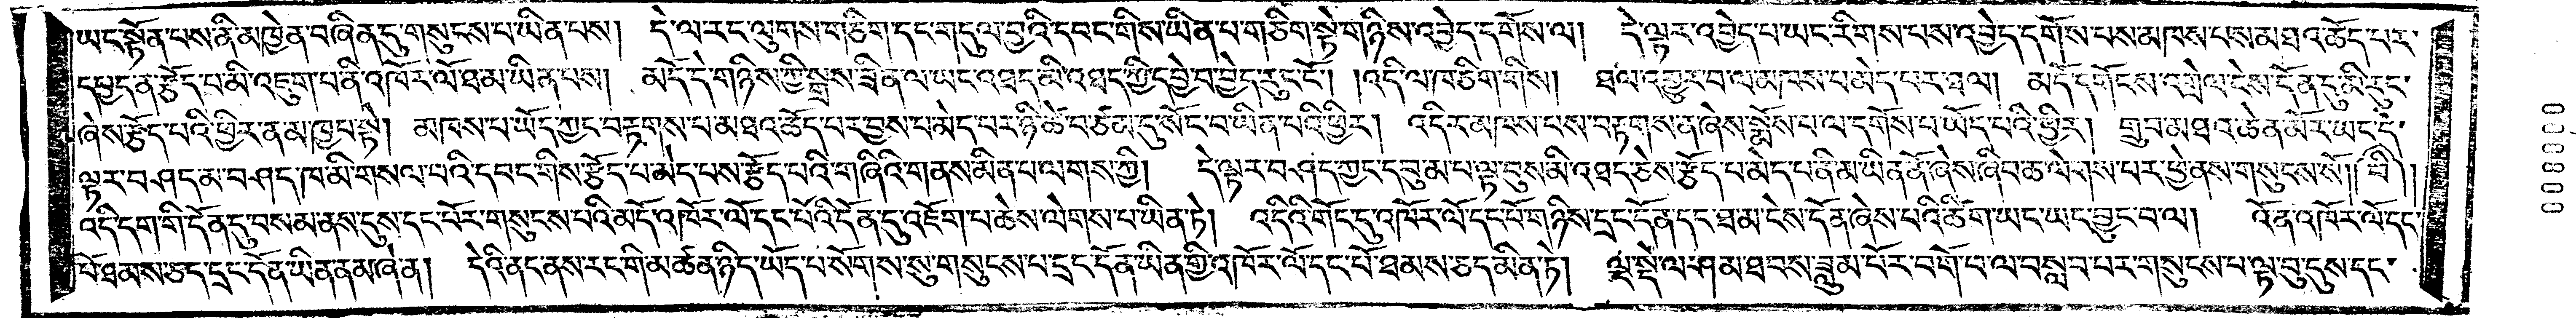ཡང་སྟོན་པས་ནི་མཁྱེན་བཞིན་དུ་གསུངས་པ་ཡིན་པས། དེ་ལ་རང་ལུགས་གཅིག་དང་གདུལ་བྱའི་དབང་གིས་ཡིན་པ་གཅིག་སྟེ་གཉིས་འབྱེད་དགོས་ལ། དེ་ལྟར་འབྱེད་པ་ཡང་རིགས་པས་འབྱེད་དགོས་པས་མཁས་པས་མཐའ་ཆོད་པར་
དཔྱད་ན་རྩོད་པ་མི་འཇུག་པ་ནི་འཁོར་ལོ་ཐ་མ་ཡིན་པས། མདོ་དེ་དེ་གཉིས་ཀྱི་སྒྲས་ཟིན་ལ་ཡང་འཐད་མི་འཐད་ཀྱི་དབྱེ་བ་བྱེད་རུང་ངོ། །འདི་ལ་ཁ་ཅིག་གིས། ཐལ་འགྱུར་བ་ལ་མཁས་པ་མེད་པར་ཐལ། མདོ་དགོངས་འགྲེལ་ངེས་དོན་དུ་མི་རུང་
ཞེས་རྩོད་པའི་ཕྱིར་ན་མ་ཁྱབ་སྟེ། མཁས་པ་ཡོད་ཀྱང་བརྟགས་པ་མཐའ་ཆོད་པར་བྱས་པ་མེད་པར་ཉི་ཚེ་བ་ཙམ་དུ་སོང་བ་ཡིན་པའི་ཕྱིར། འདིར་མཁས་པས་བརྟགས་ན་ཞེས་སྨོས་པ་ལ་དགོས་པ་ཡོད་པའི་ཕྱིར། གྲུབ་མཐའ་ཆེན་མོར་ཡང་དེ་
ལྟར་བཤད་མ་བཤད་ཁ་མི་གསལ་བའི་དབང་གིས་རྩོད་པ་མེད་པས་རྩོད་པའི་གཞིའི་གནས་མིན་པ་ལགས་ཀྱི། དེ་ལྟར་བཤད་ཀྱང་དབུ་མ་པ་ལྟ་བུས་མི་འཐད་ཅེས་རྩོད་པ་མེད་པ་ནི་མ་ཡིན་ནོ་ཞེས་ཞིབ་ཆ་ལེགས་པར་ཕྱེ་ནས་གསུངས་སོ། ༼བི༽ །
འདི་དག་གི་དོན་དུ་བསམ་ནས་དུས་དང་པོར་གསུངས་པའི་མདོ་འཁོར་ལོ་དང་པོའི་དོན་དུ་འཇོག་པ་ཆེས་ལེགས་པ་ཡིན་ཏེ། འདིའི་གོང་དུ་འཁོར་ལོ་དང་པོ་གཉིས་དྲང་དོན་དང་ཐ་མ་ངེས་དོན་ཞེས་པའི་ཚིག་ཡང་ཡང་བྱུང་བ་ལ། འོ་ན་འཁོར་ལོ་དང་
པོ་ཐམས་ཅད་དྲང་དོན་ཡིན་ནམ་ཞེ་ན། དེའི་ནང་ནས་རང་གི་མཚན་ཉིད་ཡོད་པ་སོགས་སུ་གསུངས་པ་དྲང་དོན་ཡིན་གྱི་འཁོར་ལོ་དང་པོ་ཐམས་ཅད་མིན་ཏེ། ལྔ་སྡེ་ལ་ཤ་མ་ཐབས་ཟླུམ་པོར་བགོ་བ་ལ་བསླབ་པར་གསུངས་པ་ལྟ་བུ་དུས་དང་